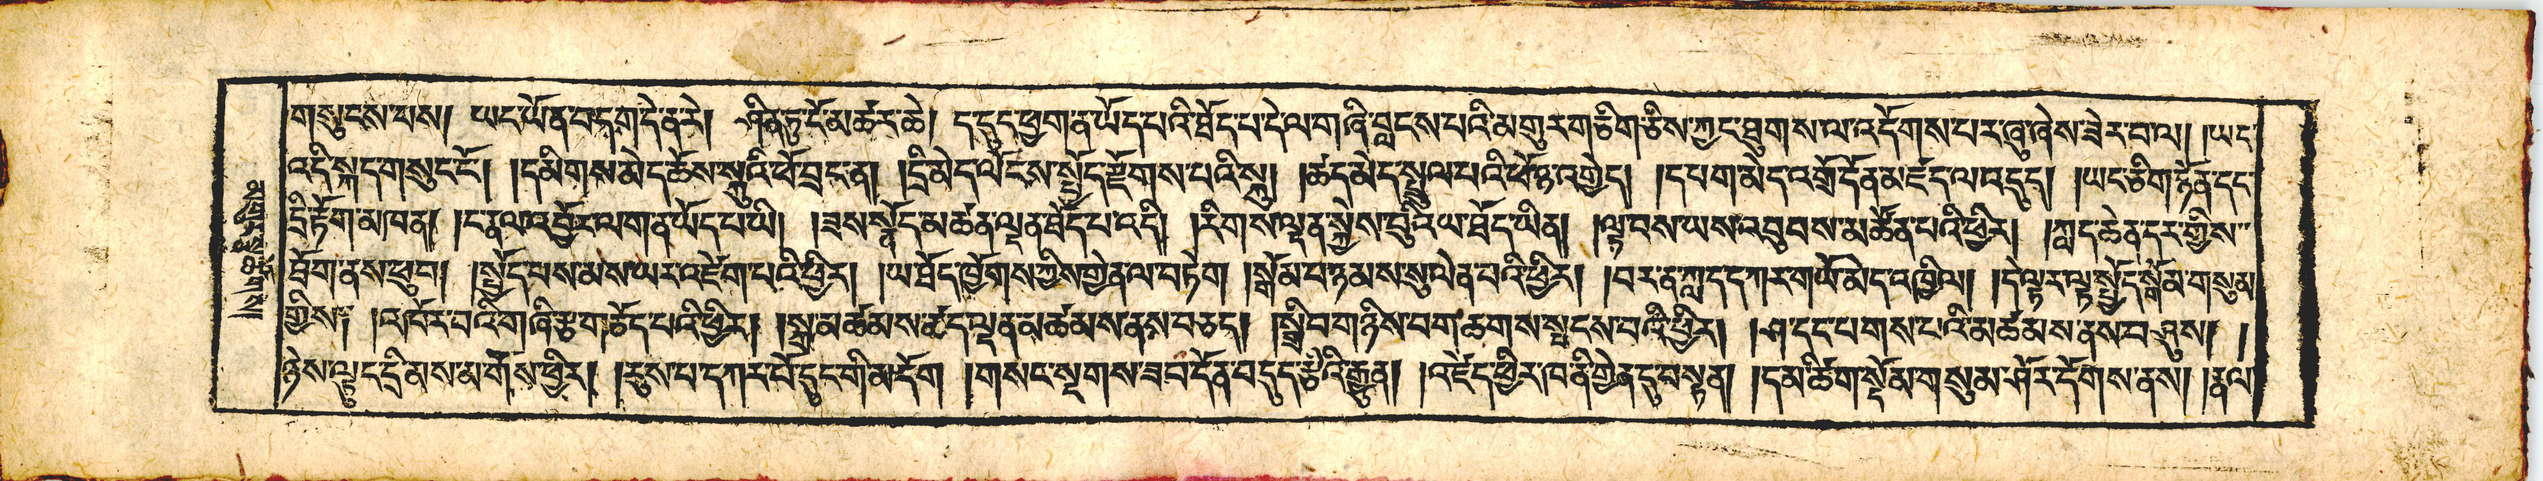གསུངས་པས། ཡང་ཡོན་བདག་དེ་ན་རེ། ཤིན་ཏུ་ངོ་མཚར་ཆེ། ད་དུང་ཕྱག་ན་ཡོདཔའི་ཐོད་པ་དེ་ལ་གཞི་བླངས་པའི་མགུར་གཅིག་ཅིས་ཀྱང་ཐུགས་ལ་འདོགས་པར་ཞུ་ཞེས་ཟེར་བ་ལ། །ཡང་
འདི་སྐད་གསུང་ངོ་། །དམིགས་མེད་ཆོས་སྐུའི་ཕོ་བྲང་ན། །དྲིམེད་ལོངས་སྤྱོད་རྫོགས་པའི་སྐུ། །ཚད་མེད་སྤྲུལ་པའི་ཕོ་ཉ་འགྱེད། །དཔག་མེད་འགྲོ་དོན་མཛད་ལ་འདུད། །ཡང་ཅིག་ཉོན་དང་
དྲི་རྟོག་མཁན། །ང་རྣལ་འབྱོར་ལག་ན་ཡོད་པ་ཡི། །ཟས་སྣོད་མཚན་ལྡན་ཐོད་པ་འདི། །རིགས་ལྡན་སྐྱེས་བུའི་ཡ་ཐོད་ཡིན། །ལྟ་བས་ཡས་འབུབས་མཚོན་པའི་ཕྱིར། །ཀླད་ཆེན་དར་གྱིས་
ཐོག་ནས་ཕུབ། །སྤྱོད་པས་མས་ཡར་འཛེག་པའི་ཕྱིར། །ཡ་ཐོད་ཁྱོགས་ཀྱིས་གྱེན་ལ་བཏེག །སྒོམ་པ་ཉམས་སུ་ལེན་པའི་ཕྱིར། །བར་ན་ཀླད་དཀར་གཡོ་མེད་འཁྱིལ། །དེལྟར་ལྟ་སྤྱོད་སྒོམ་གསུམ་
གྱིས། །འཁོར་བའི་གཞི་རྩ་གཅོད་པའི་ཕྱིར། །སྐྲ་མཚམས་ཚད་ལྡན་མཚམས་ནས་བཅད། །སྒྲིབ་གཉིས་བག་ཆགས་སྤངས་བའི་ཕྱིར། །ཤ་དང་པགས་པའི་མཚམས་ནས་བཤུས། །
ཉེས་ལྟུང་དྲི་མས་མ་གོས་ཕྱིར། །རུས་པ་དཀར་པོ་དུང་གི་མདོག །གསང་སྔགས་ཟབ་དོན་བདུད་རྩིའི་རྒྱུན། །འཛོད་ཕྱིར་ཁ་ནི་གྱེན་དུབསྟན། །དམ་ཚིག་སྡོམ་གསུམ་ཤོར་དོགས་ནས། །རྣལ་